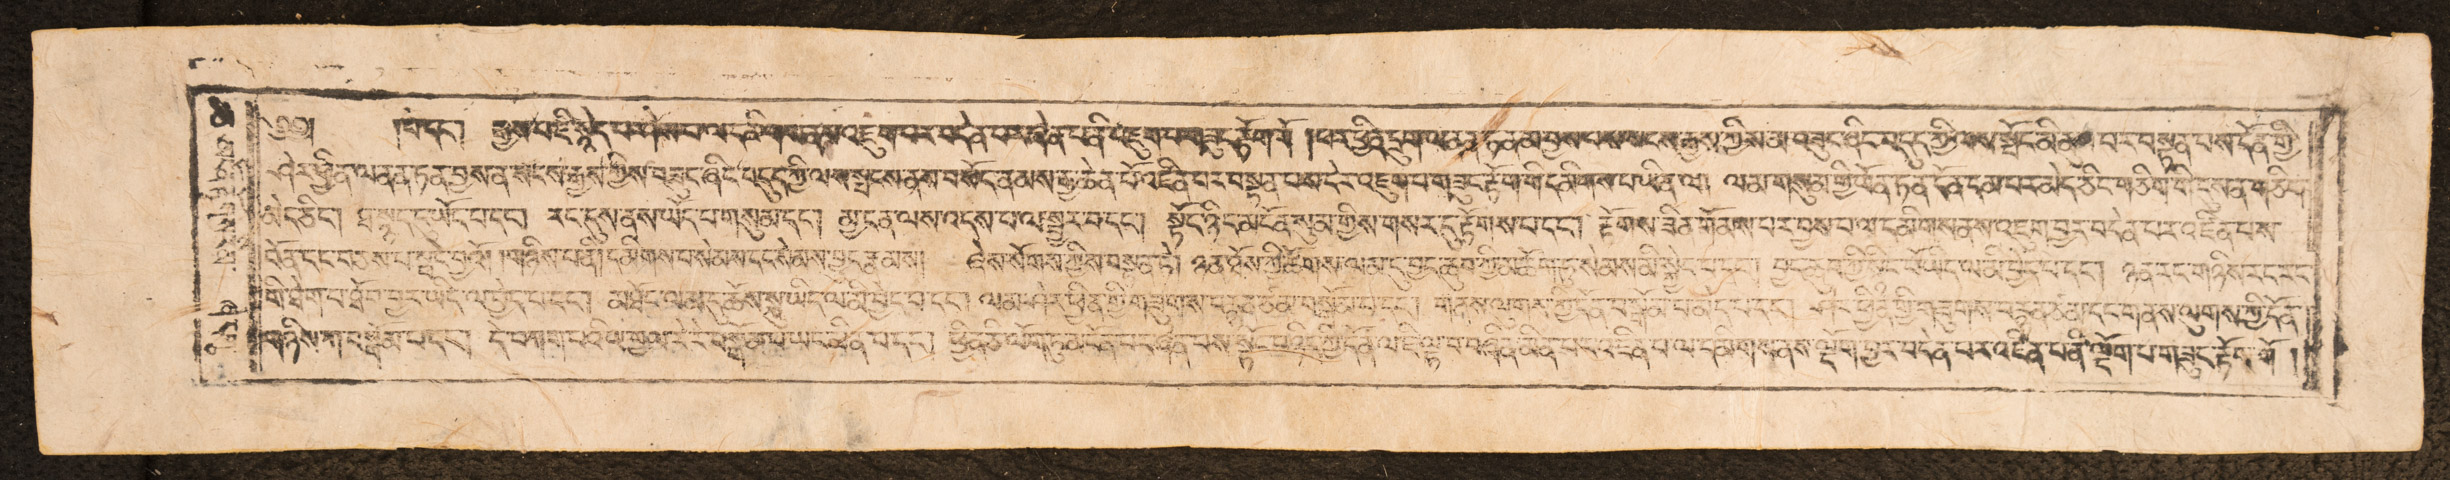༄༅། །པ་དང་། རྒྱས་པ་ཇི་སྙེད་པ་ཤེས་པ་ལ་དམིགས་ནས་འཇུག་པར་བདེན་པར་ཞེན་པ་ནི་འཇུག་པ་གཟུང་རྟོག་གོ །ཕར་ཕྱིན་དྲུག་ལ་ནན་ཏན་མ་བྱས་པས་སངས་རྒྱས་ཀྱིས་མ་བཟུང་ཞིང་བདུད་ཀྱི་ལས་སྤོང་མི་ནུས་པར་བསྟན་པས་དོན་གྱི་
ཤེར་ཕྱིན་ལ་ནན་ཏན་བྱས་ན་སངས་རྒྱས་ཀྱིས་བཟུང་ཞིང་བདུད་ཀྱི་ལས་སྤངས་ནས་བསོད་ནམས་རྒྱ་ཆེན་པོ་འཛིན་པར་བསྟན་པས་དེར་འཇུག་པ་གཟུང་རྟོག་གི་དམིགས་པ་ཡིན་ལ། ལམ་གསུམ་གྱི་ཡོན་ཏན་དོན་དམ་པར་མེད་ཅིང་གཅིག་གི་དུས་ན་གཅིག་
མེད་ཅིང་། ཐ་སྙད་དུ་ཡོད་པ་དང་། རང་དུས་ནས་ཡོད་པ་གསུམ་དང་། མྱ་ངན་ལས་འདས་པ་ལ་སྦྱར་བ་དང་། སྟོང་ཉིད་མངོན་སུམ་གྱིས་གསར་དུ་རྟོགས་པ་དང་། རྟོགས་ཟིན་གོམས་པར་བྱས་པ་ལ་དམིགས་ནས་འཇུག་བྱར་བདེན་པར་འཛིན་པ་ས་
བོན་དང་བཅས་པ་སྤང་བྱའོ། །གཉིས་པ་ནི། དམིགས་པ་སེམས་དང་སེམས་བྱུང་རྣམས། ཞེས་སོགས་ཀྱིས་བསྟན་ཏེ། ཉན་ཐོས་ཀྱི་ཚོགས་ལམ་དུ་བྱང་ཆུབ་ཀྱི་མཆོག་ཏུ་སེམས་མི་སྐྱེད་པ་དང་། བྱང་ཆུབ་ཀྱི་སྙིང་པོ་ཡིད་ལ་མི་བྱེད་པ་དང་། ཉན་རང་གཉིས་རང་རང་
གི་ཐེག་པ་ཐོབ་བྱར་ཡིད་ལ་བྱེད་པ་དང་། མཐོང་ལམ་དུ་ཆོས་སྐུ་ཡིད་ལ་མི་བྱེད་པ་དང་། ལམ་ཤེར་ཕྱིན་གྱི་གཟུགས་བརྙན་ཙམ་བསྒོམ་པ་དང་། གནས་ལུགས་ཀྱི་དོན་བསྒོམ་པ་མེད་པ་དང་། ཤེར་ཕྱིན་གྱི་གཟུགས་བརྙན་ཙམ་དང་གནས་ལུགས་ཀྱི་དོན་
གཉིས་ཀ་བསྒོམ་པ་དང་། དེ་བཀག་པའི་ཡ་གྱལ་རེ་རེ་བསྒོམ་པ་ཡང་མིན་པ་དང་། ཕྱིན་ཅི་ལོག་ཏུ་མངོན་པར་ཞེན་པས་སྟོང་པ་ཉིད་ཀྱི་དོན་ལ་ཇི་ལྟ་བ་བཞིན་མིན་པར་འཛིན་པ་ལ་དམིགས་ནས་ལྡོག་བྱར་བདེན་པར་འཛིན་པ་ནི་ལྡོག་པ་གཟུང་རྟོག་གོ །